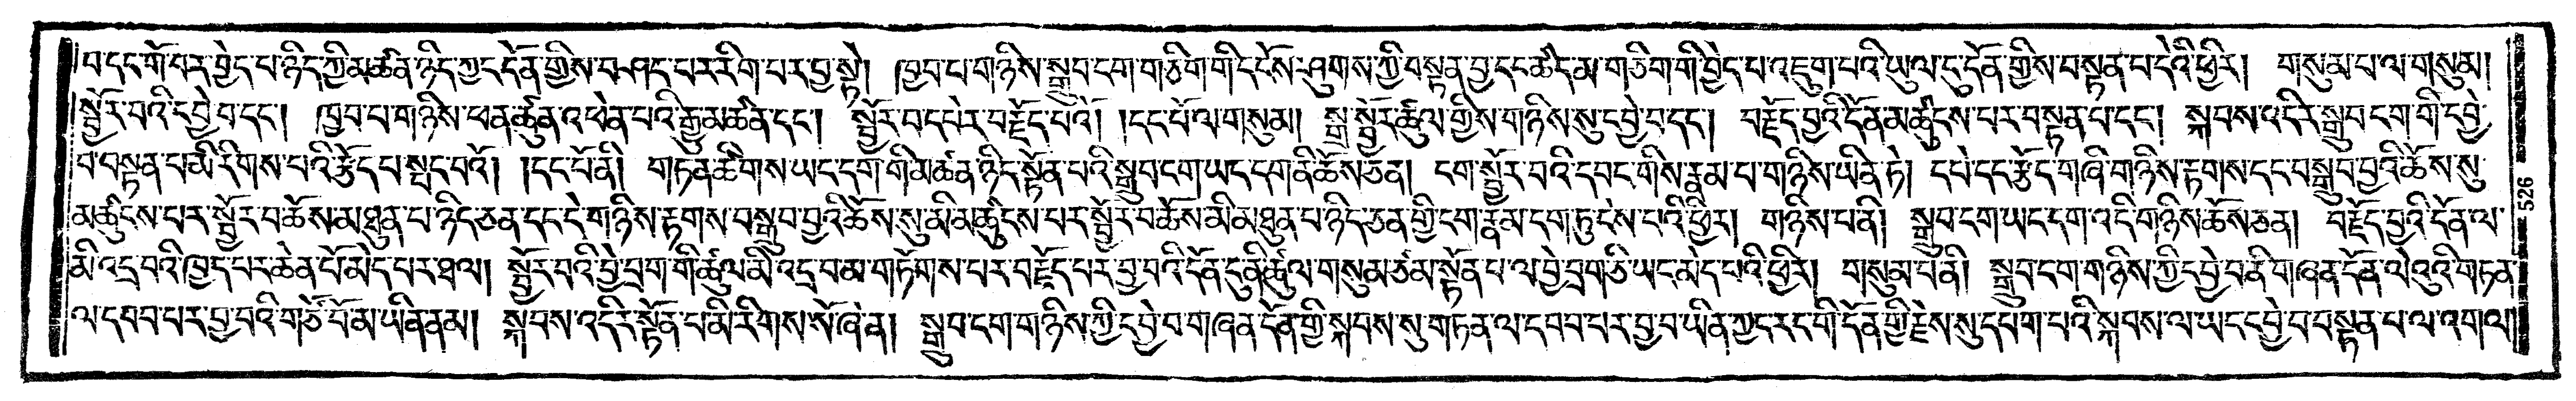བ་དང་གོ་བར་བྱེད་པ་ཉིད་ཀྱི་མཚན་ཉིད་ཀྱང་དོན་གྱིས་བཤད་པར་རིག་པར་བྱ་སྟེ། ཁྱབ་པ་གཉིས་སྒྲུབ་ངག་གཅིག་གི་དངོས་ཤུགས་ཀྱི་བསྟན་བྱ་དང་ཚད་མ་གཅིག་གི་བྱེད་པ་འཇུག་པའི་ཡུལ་དུ་དོན་གྱིས་བསྟན་པ་དེའི་ཕྱིར། གསུམ་པ་ལ་གསུམ།
སྦྱོར་བའི་དབྱེ་བ་དང་། ཁྱབ་པ་གཉིས་ཕན་ཚུན་འཕེན་པའི་རྒྱུ་མཚན་དང་། སྦྱོར་བ་དཔེར་བརྗོད་པའོ། །དང་པོ་ལ་གསུམ། སྒྲ་སྦྱོར་ཚུལ་གྱིས་གཉིས་སུ་དབྱེ་བ་དང་། བརྗོད་བྱའི་དོན་མཚུངས་པར་བསྟན་པ་དང་། སྐབས་འདིར་སྒྲུབ་ངག་གི་དབྱེ་
བ་བསྟན་པ་མི་རིགས་པའི་རྩོད་པ་སྤང་བའོ། །དང་པོ་ནི། གཏན་ཚིགས་ཡང་དག་གི་མཚན་ཉིད་སྟོན་པའི་སྒྲུབ་ངག་ཡང་དག་ནི་ཆོས་ཅན། ངག་སྦྱོར་བའི་དབང་གིས་རྣམ་པ་གཉིས་ཡིན་ཏེ། དཔེ་དང་རྩོད་གཞི་གཉིས་རྟགས་དང་བསྒྲུབ་བྱའི་ཆོས་སུ་
མཚུངས་པར་སྦྱོར་བ་ཆོས་མཐུན་པ་ཉིད་ཅན་དང་དེ་གཉིས་རྟགས་བསྒྲུབ་བྱའི་ཆོས་སུ་མི་མཚུངས་པར་སྦྱོར་བ་ཆོས་མི་མཐུན་པ་ཉིད་ཅན་གྱི་ངག་རྣམ་དག་ཏུ་ངེས་པའི་ཕྱིར། གཉིས་པ་ནི། སྒྲུབ་ངག་ཡང་དག་འདི་གཉིས་ཆོས་ཅན། བརྗོད་བྱའི་དོན་ལ་
མི་འདྲ་བའི་ཁྱད་པར་ཆེན་པོ་མེད་པར་ཐལ། སྦྱོར་བའི་བྱེ་བྲག་གི་ཚུལ་མི་འདྲ་བ་མ་གཏོགས་པར་བརྗོད་པར་བྱ་བའི་དོན་དུ་ནི་ཚུལ་གསུམ་ཙམ་སྟོན་པ་ལ་བྱེ་བྲག་ཅི་ཡང་མེད་པའི་ཕྱིར། གསུམ་པ་ནི། སྒྲུབ་ངག་གཉིས་ཀྱི་དབྱེ་བ་ནི་གཞན་དོན་ལེའུའི་གཏན་
ལ་དབབ་པར་བྱ་བའི་གཙོ་བོ་མ་ཡིན་ནམ། སྐབས་འདིར་སྟོན་པ་མི་རིགས་སོ་ཞེ་ན། སྒྲུབ་ངག་གཉིས་ཀྱི་དབྱེ་བ་གཞན་དོན་གྱི་སྐབས་སུ་གཏན་ལ་དབབ་པར་བྱ་བ་ཡིན་ཀྱང་རང་གི་དོན་གྱི་རྗེས་སུ་དཔག་པའི་སྐབས་ལ་ཡང་དབྱེ་བ་བསྟན་པ་ལ་འགལ་